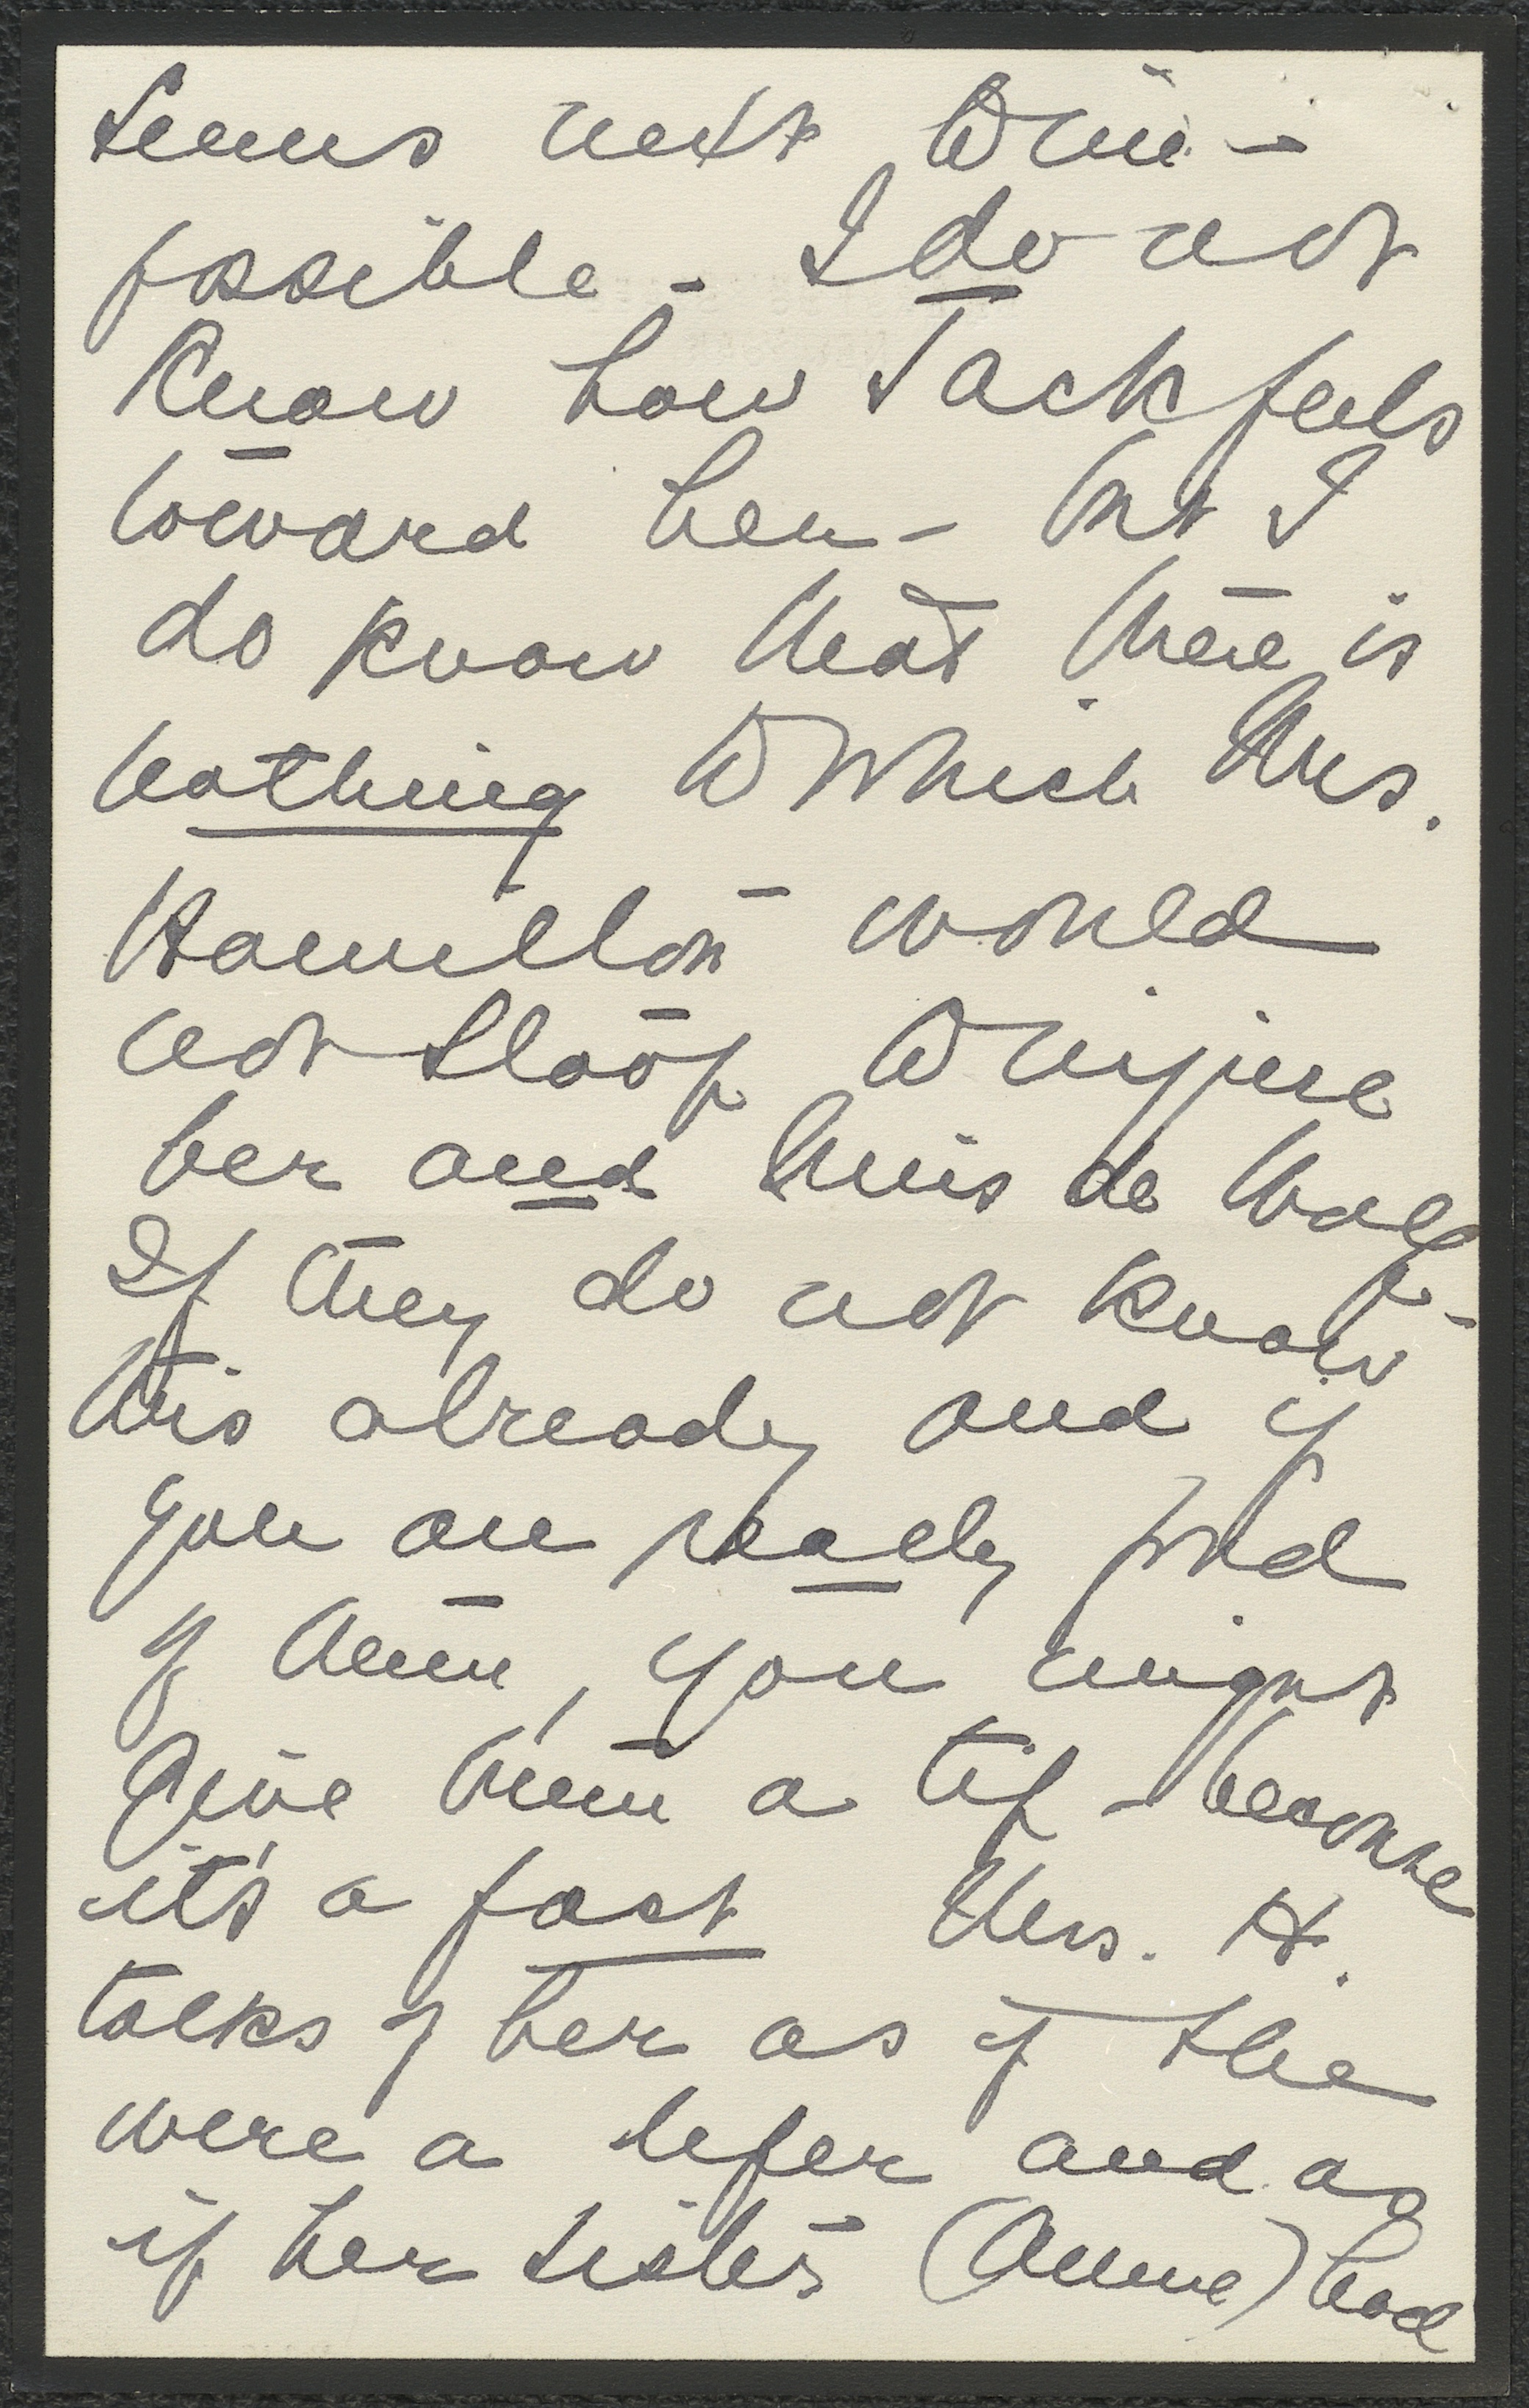seems next to impossible – I do not know how Jack feels toward her – but I do know that there is nothing to which Mrs. Hamilton would not stoop to injure her and Mrs. de Wolfe. If they do not know this already and if you are really fond of Anne, you might give them a tip – because it’s a fact Mrs. H. talks of her if she were a leper and as if her sister (Anne) had